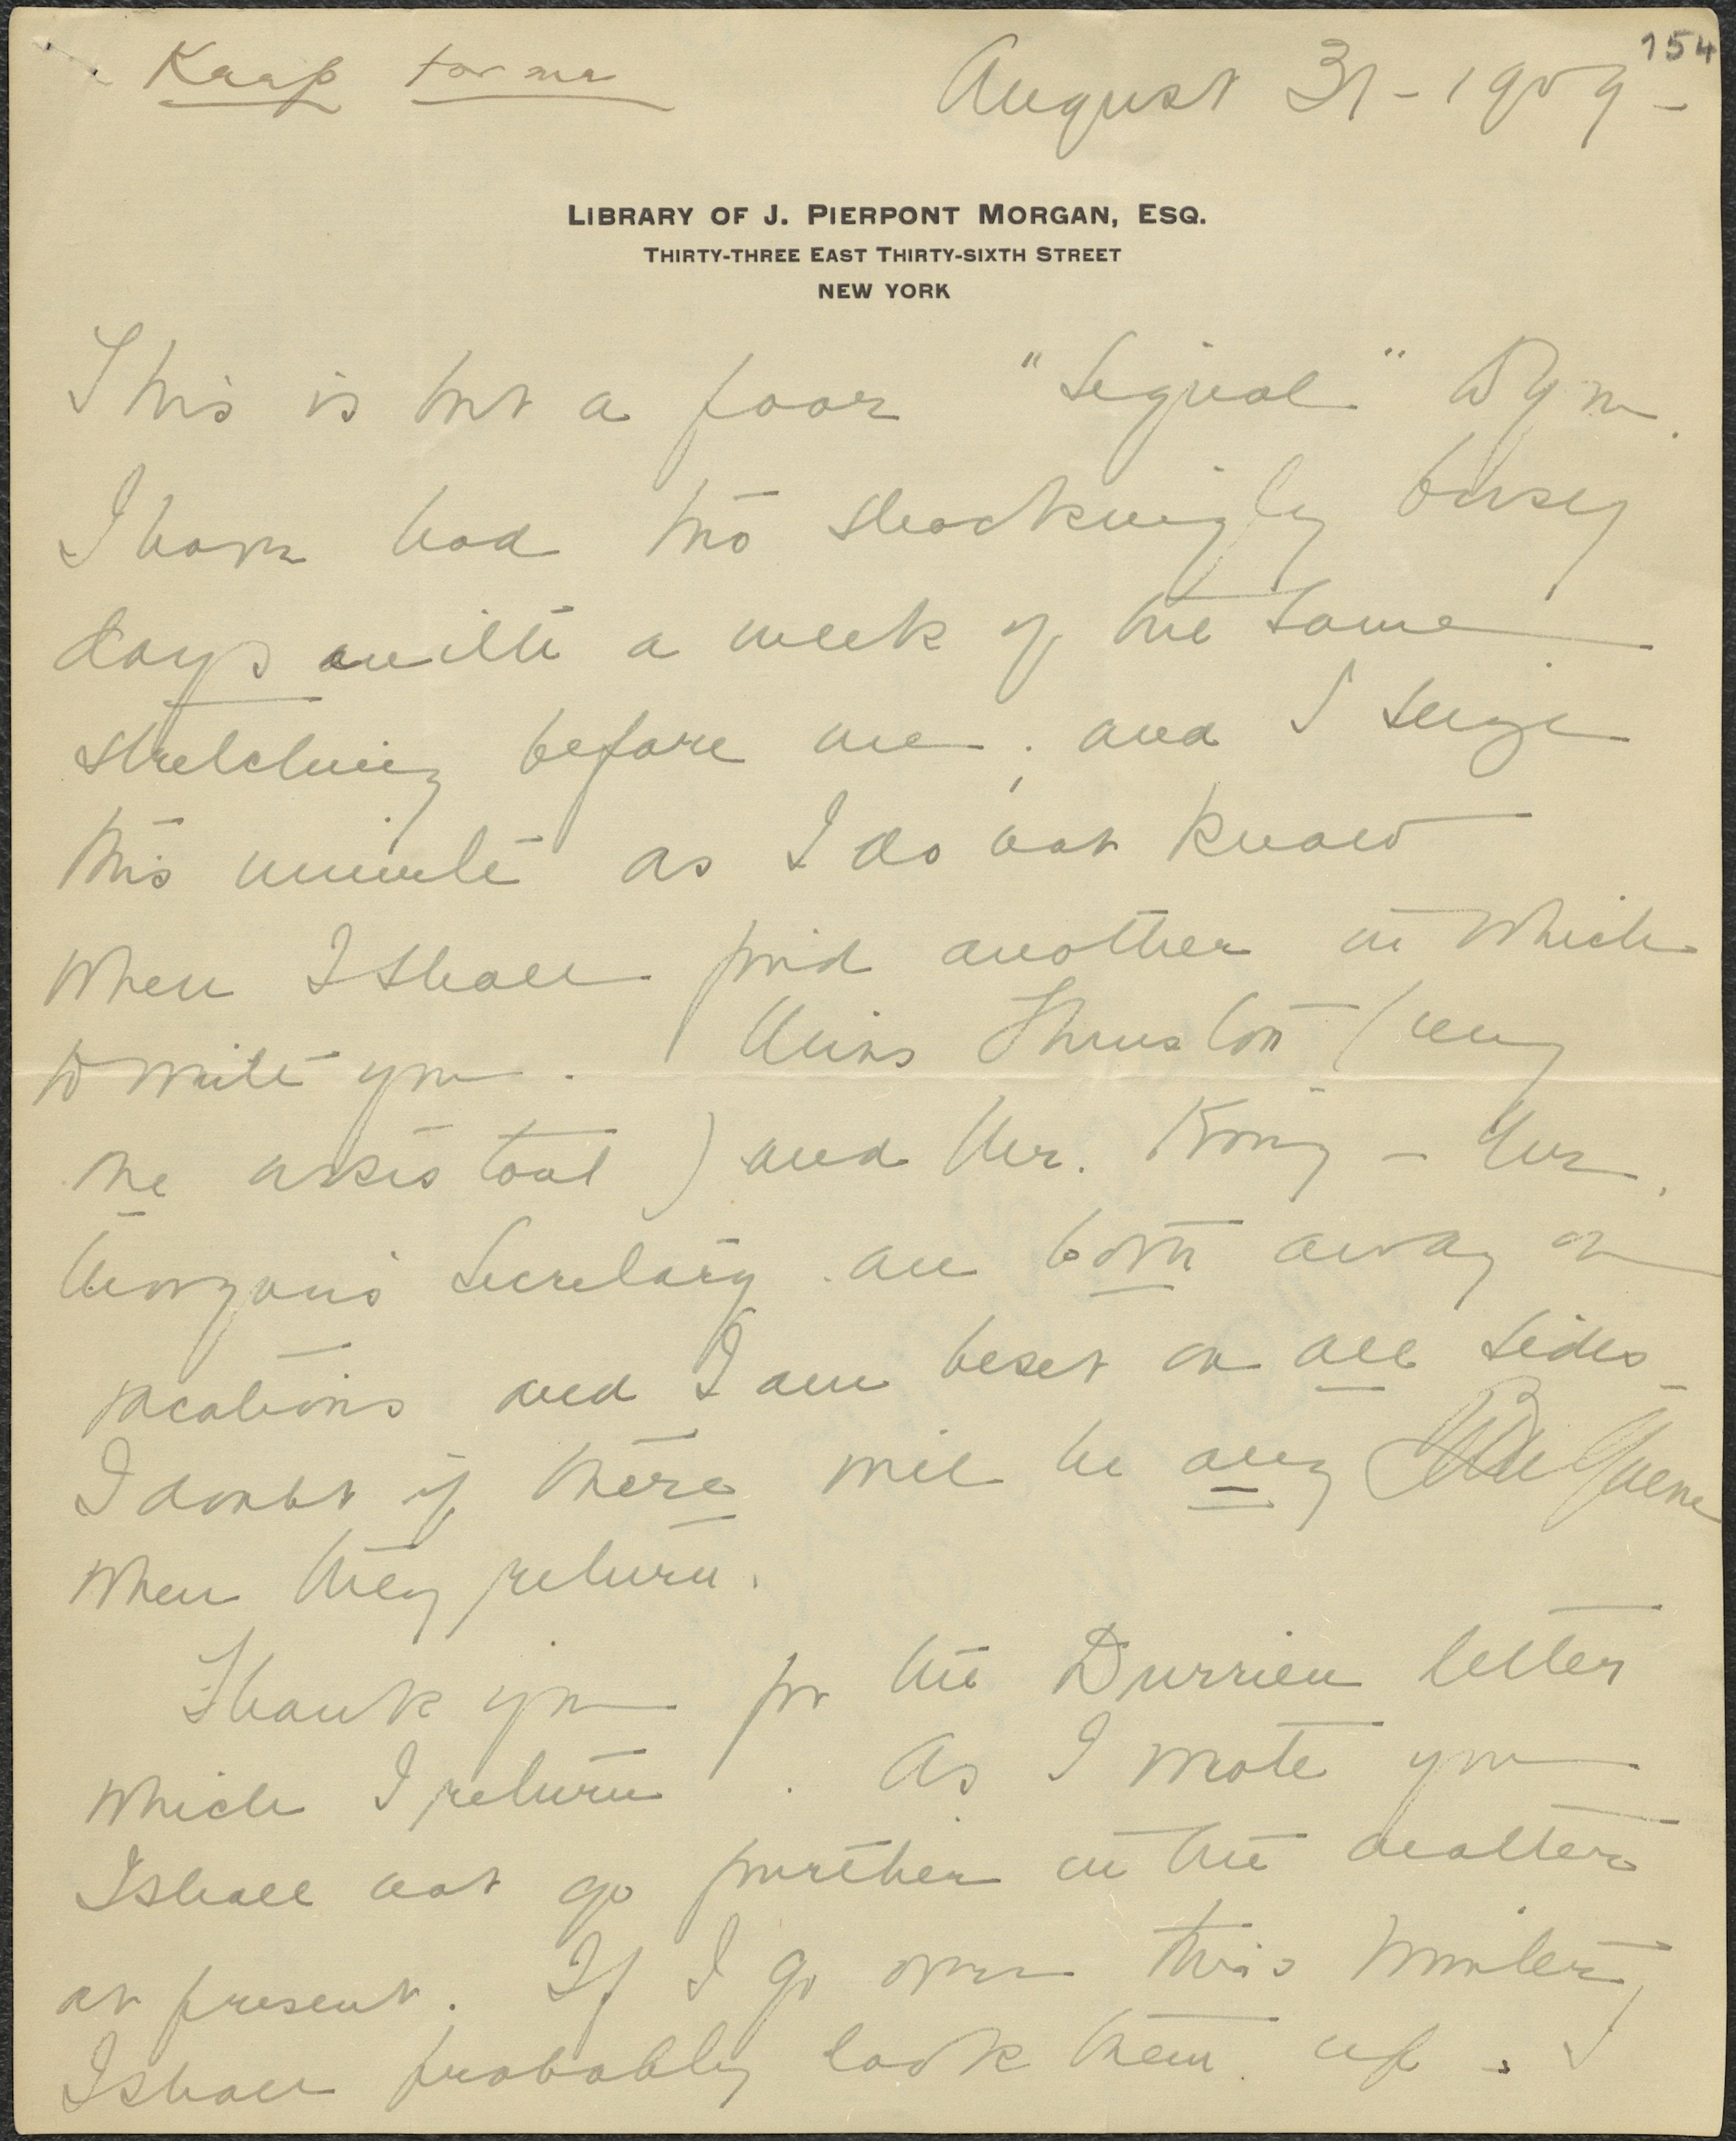August 31 – 1909 –
This is but a poor “Signal” to you. I have had two shockingly busy days with a week of the same stretching before me; and I seize this minute as I do not know when I shall find another in which to write you. Miss Thurston (my one assistant) and Mr. King – Mr. Morgan’s Secretary are both away on vacations and I am beset on all sides – I doubt if there will be [double-underlined: any] [signed: Belle Greene] when they return.
Thank you for the Durrieu letter which I return. As I wrote you I shall not go further in the matter at present. If I go over this winter I shall probably look them up. I